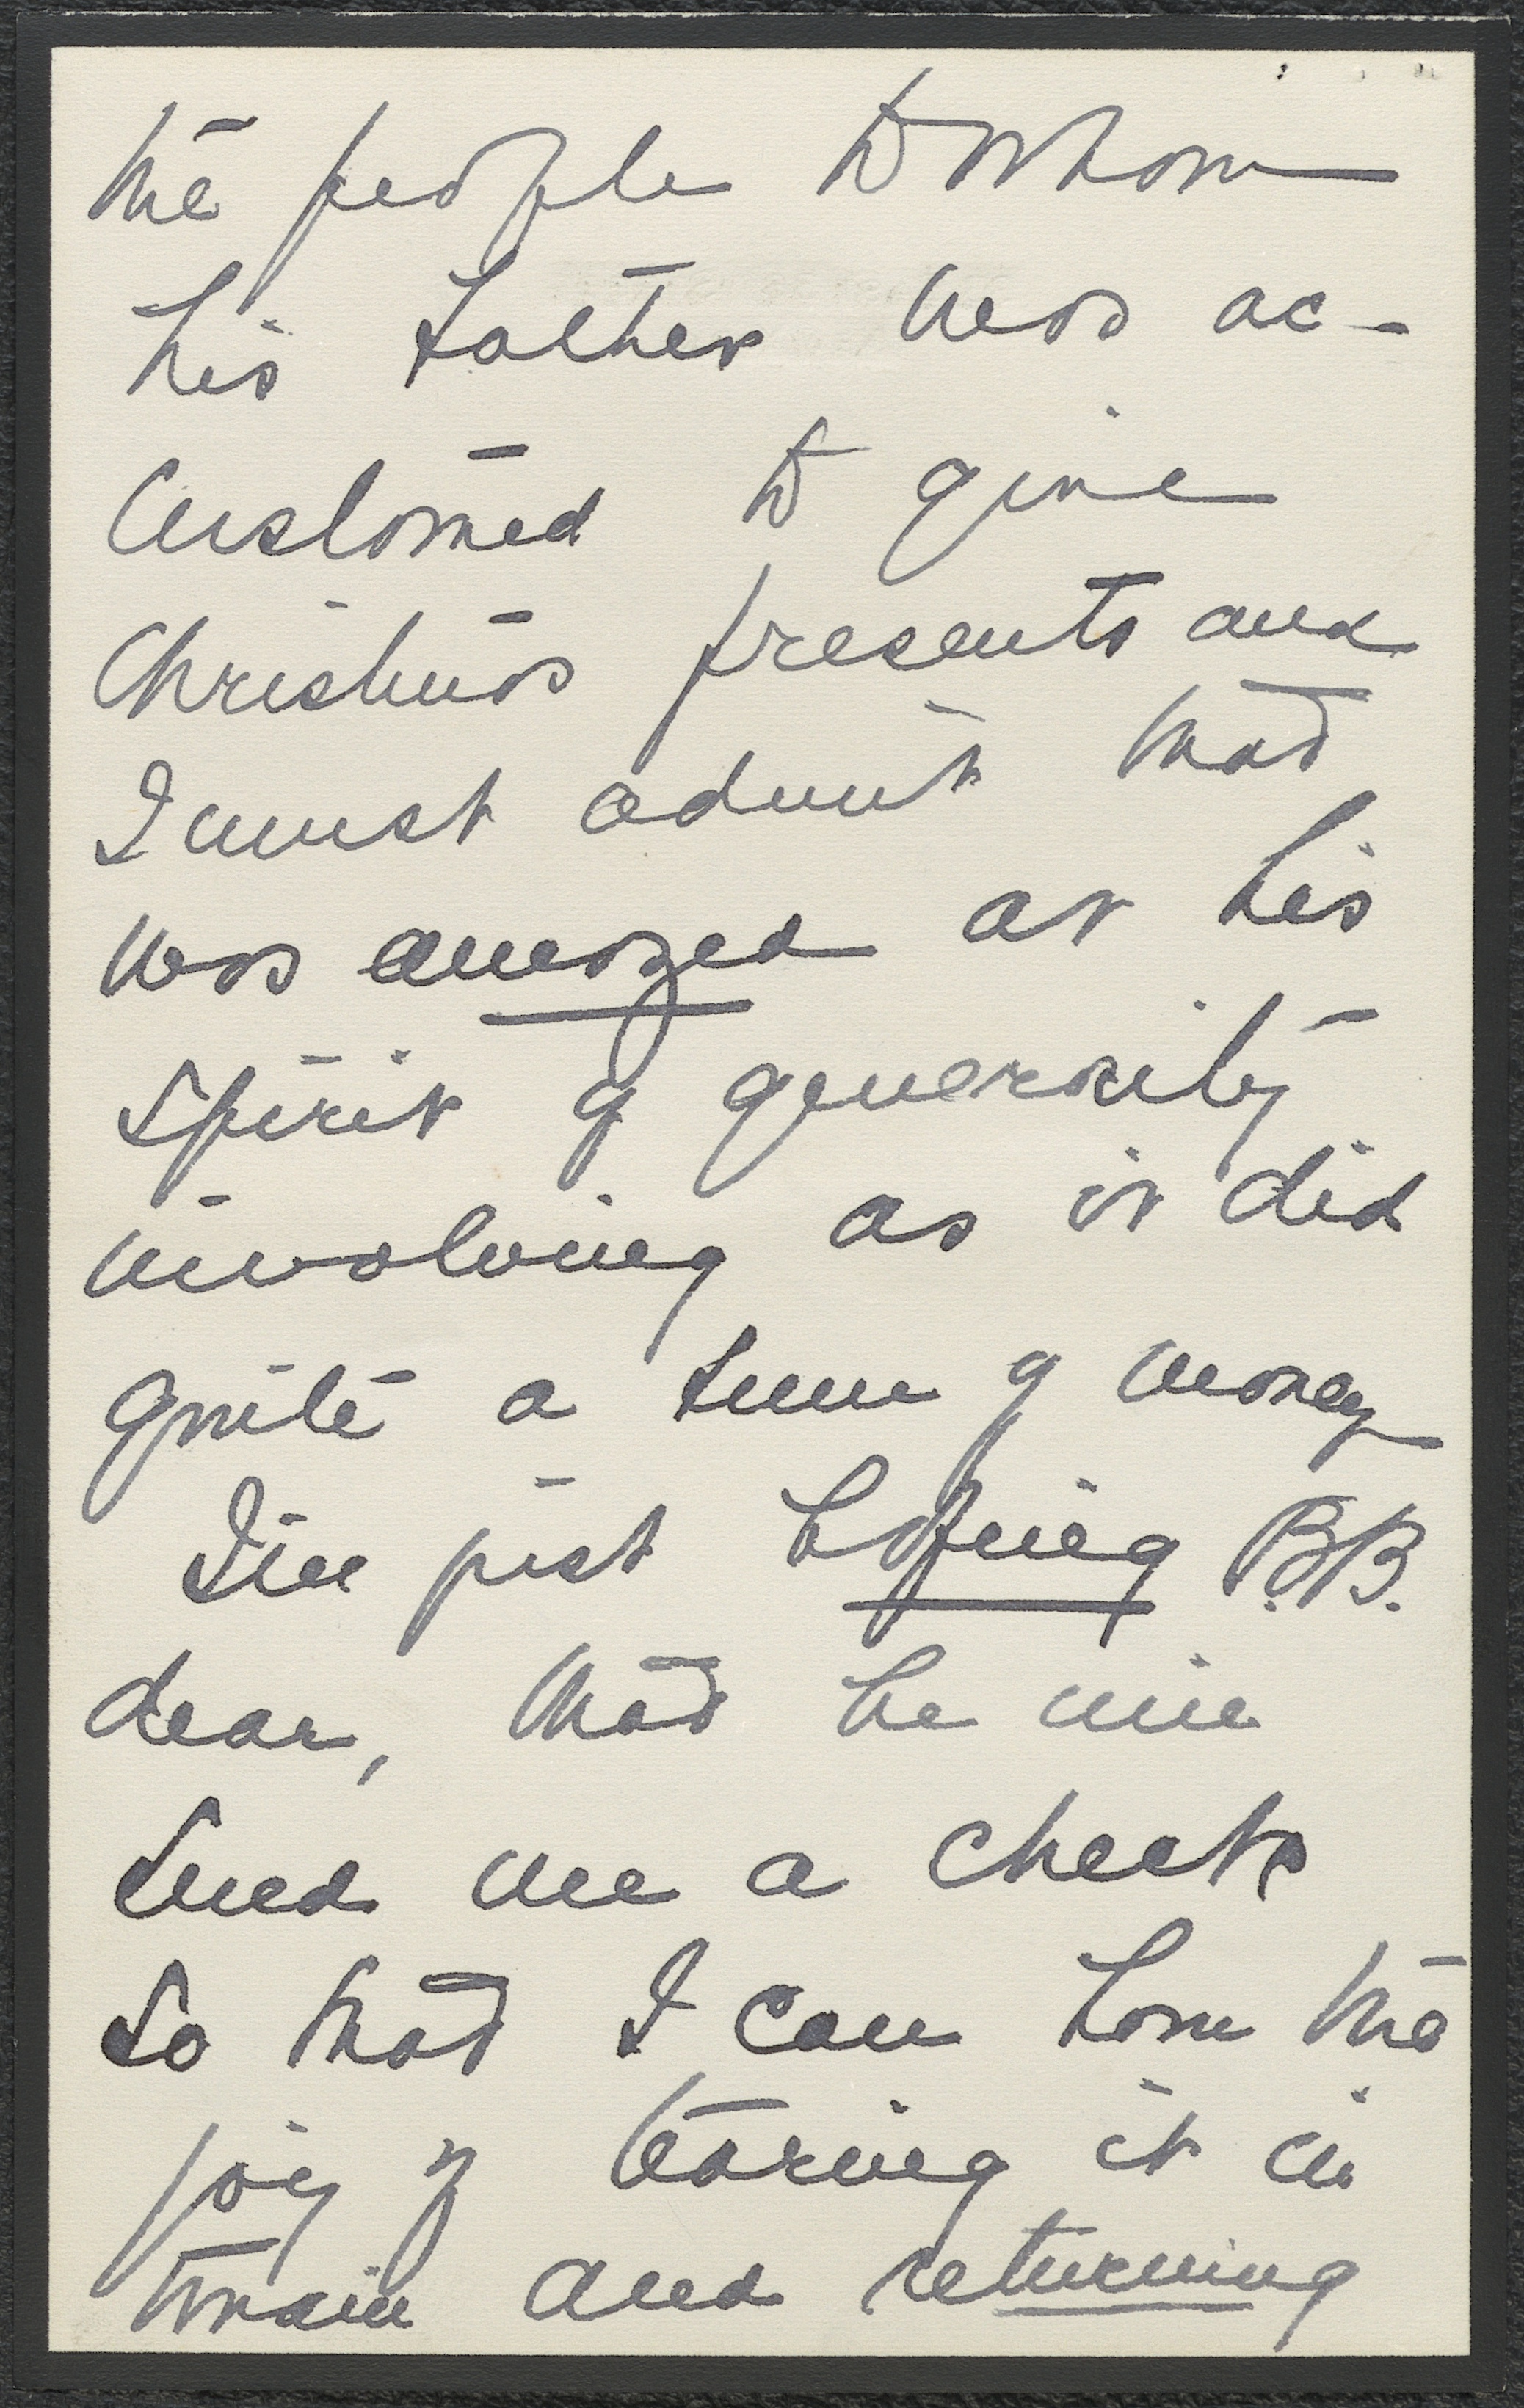the people to whom his Father was accustomed to give Christmas presents and I must admit that was amazed at his spirit of generosity involving as it did quite a sum of money –
I’m just hoping B. B. dear, that he will send me a check so that I can have the joy of tearing it in twain and returning